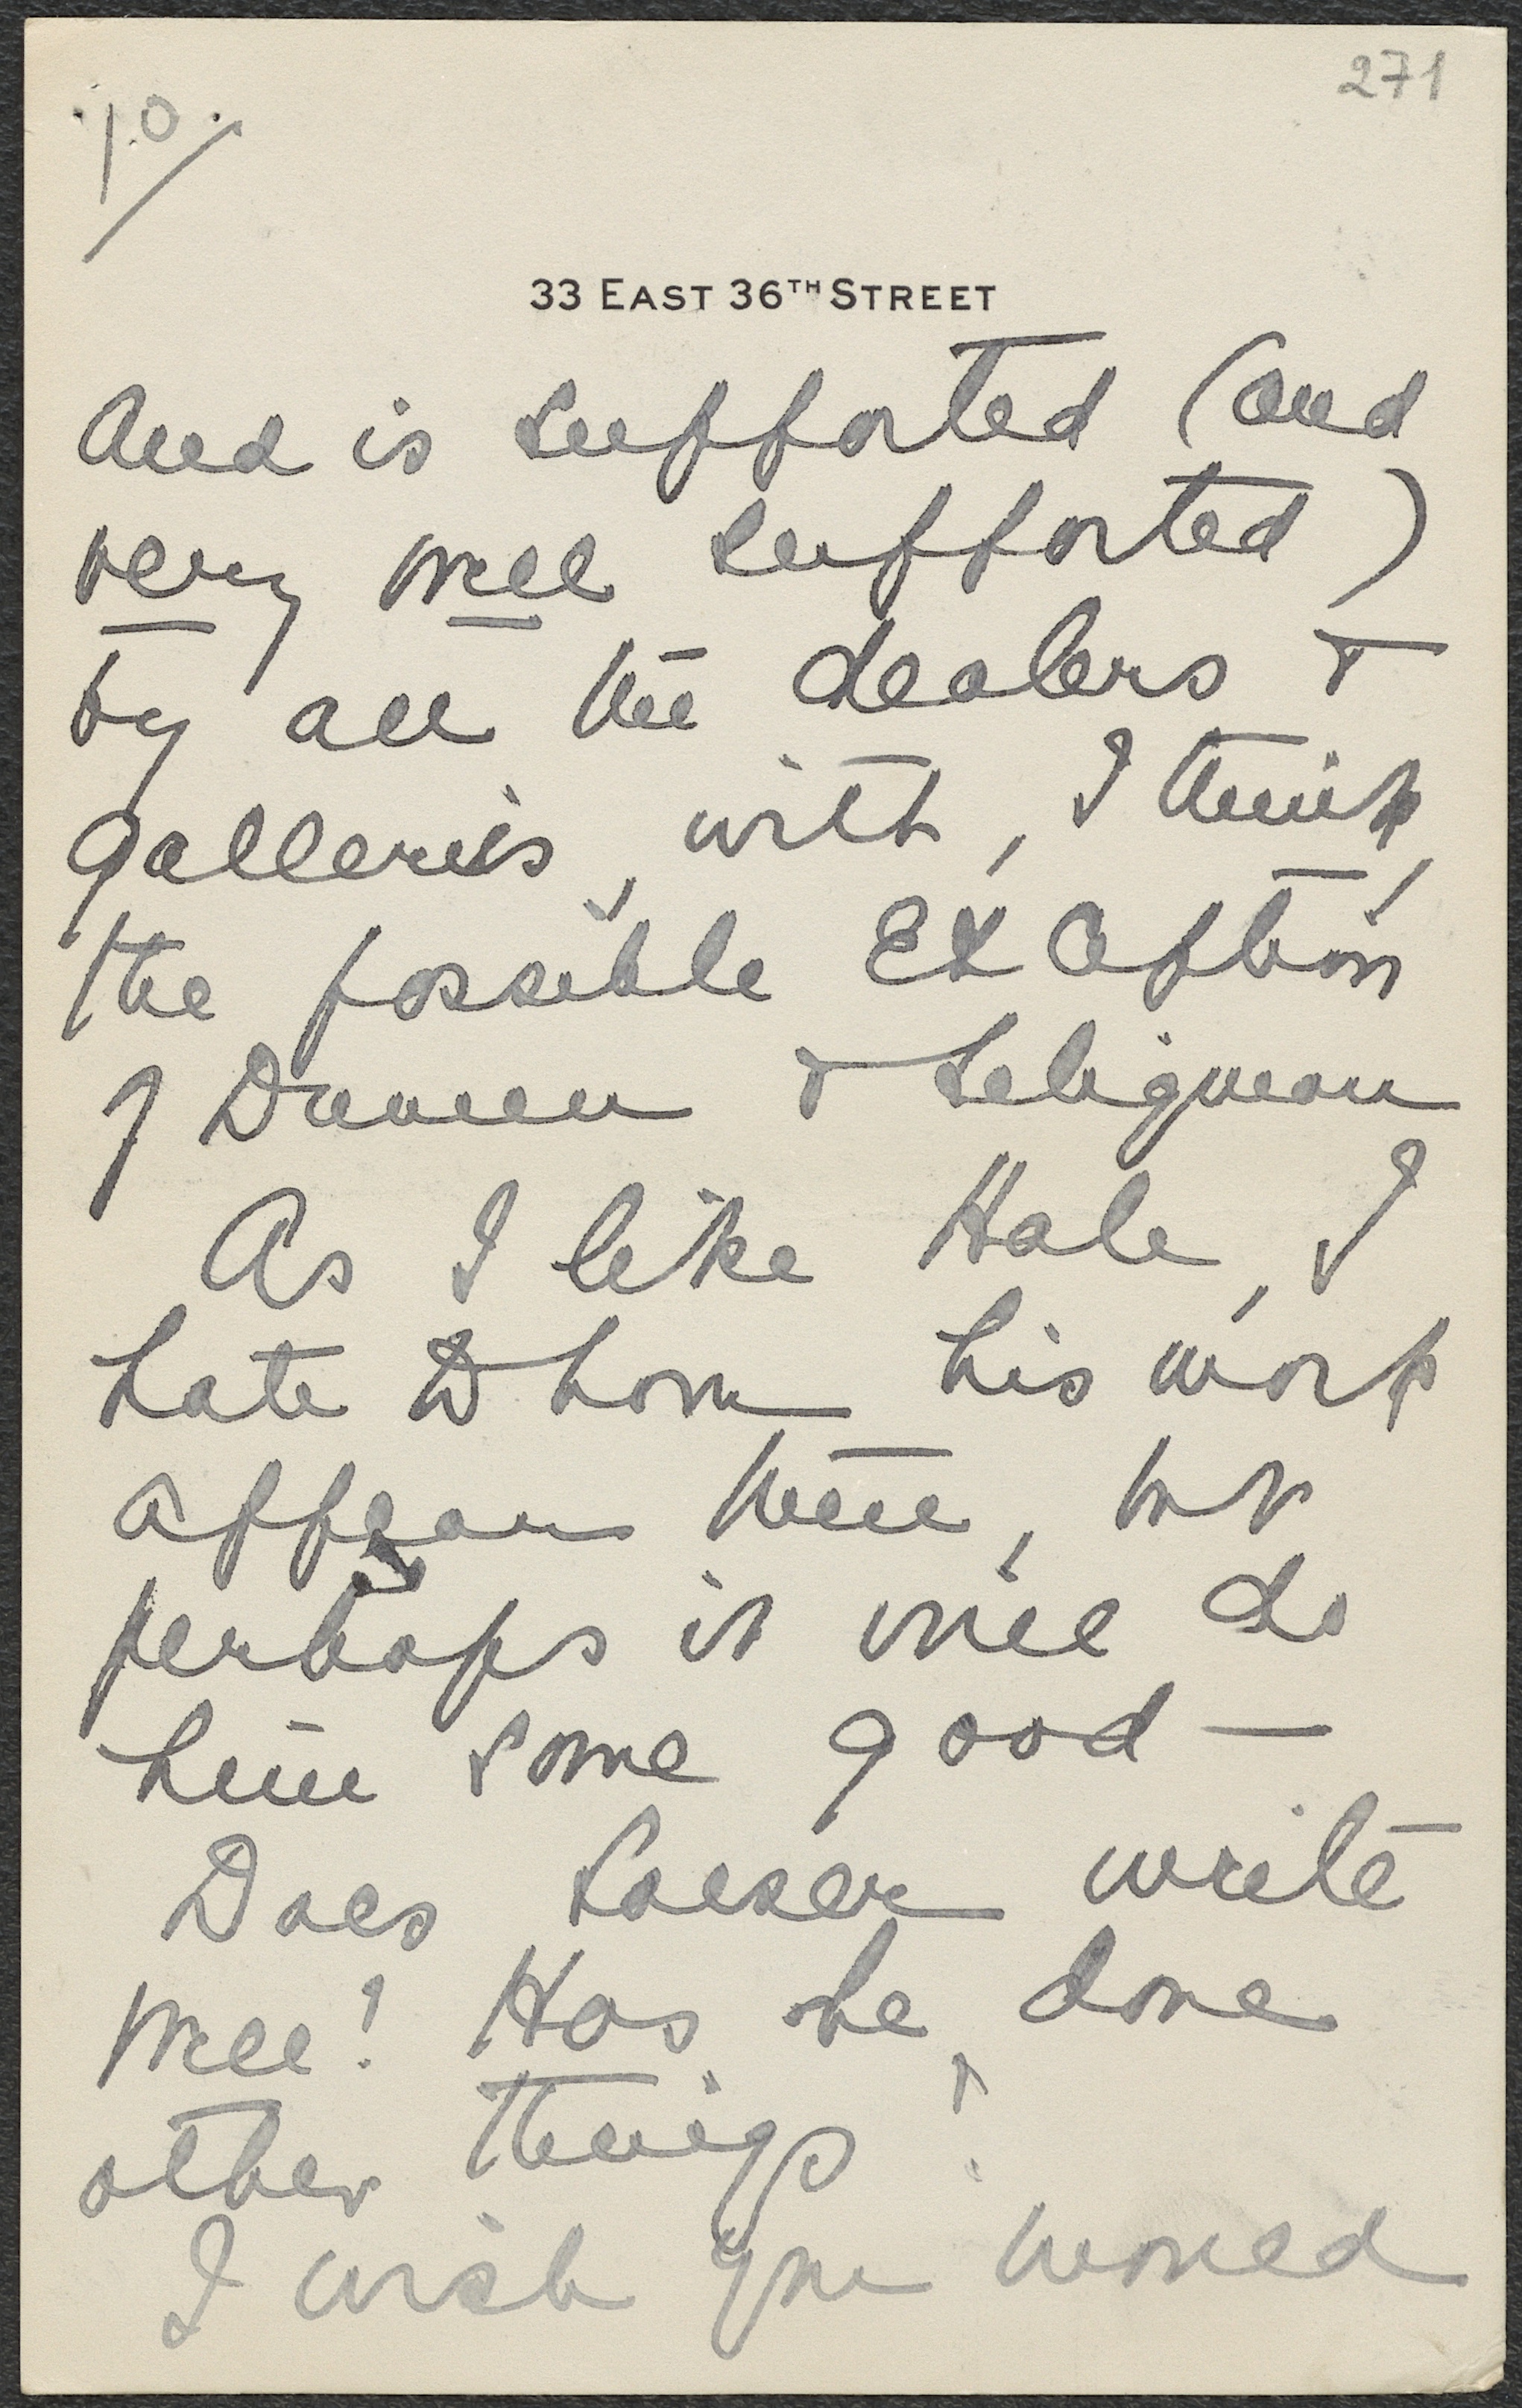10/
and is supported (and very well supported) by all the dealers & galleries, with, I think, the possible exception of Duveen & Seligman [sic]
A I like Hale, I hate to have his work appear there, but perhaps it will do him some good –
Does Loeser write well? Has he done other things?
I wish you would